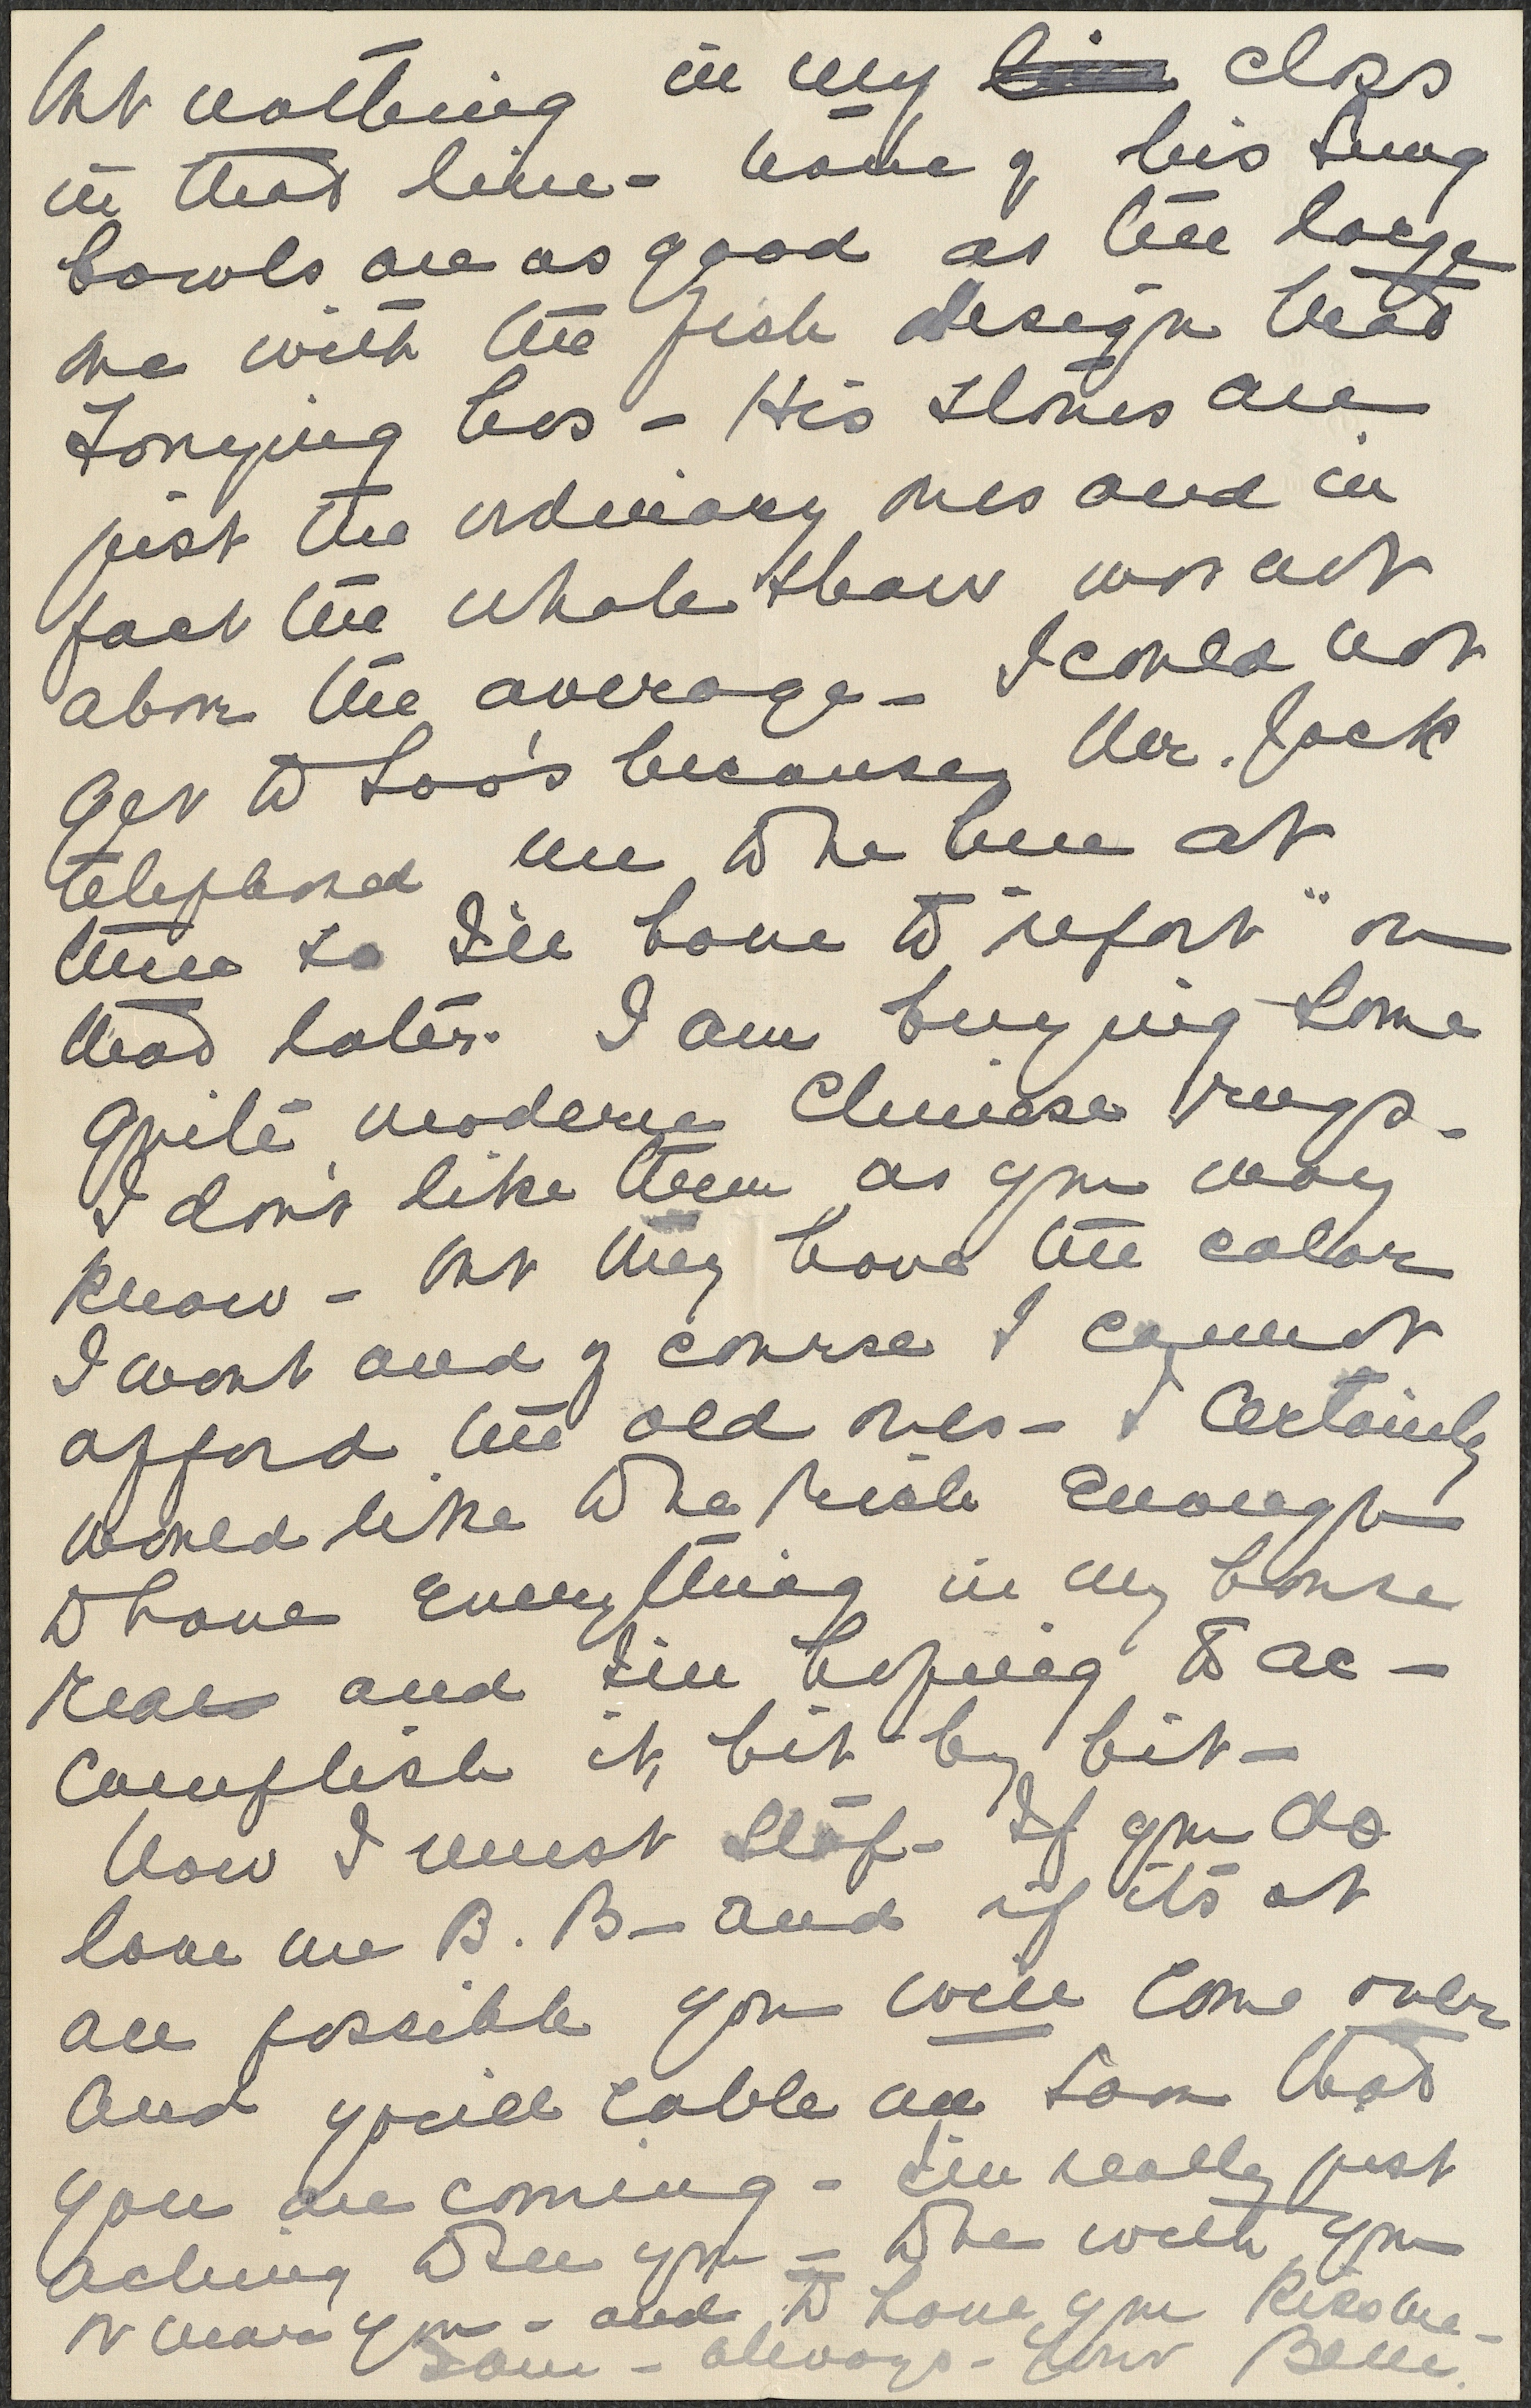but nothing in my line class in that line – none of his Sung bowls are as good as the large one with the fish design that Tonying has – His stones are just the ordinary ones and in fact the whole show was not above the average – I could not get to Loo's because Mr. Jack telephoned me to be here at three so I'll have to "report" on that later. I am buying some quite modern Chinese rugs. I don't like them as you may know – but they have the color I want and of course I cannot afford the old ones – I certainly would like to be rich enough to have everything in my house real and I'm hoping to accomplish it bit by bit –
Now I must stop – If you do love me B.B.– and if its [sic] at all possible you will come over and you'll cable me soon that you are coming – I'm really just aching to see you – to be with you or near you – and to have you kiss me –
I am – always – your Belle.